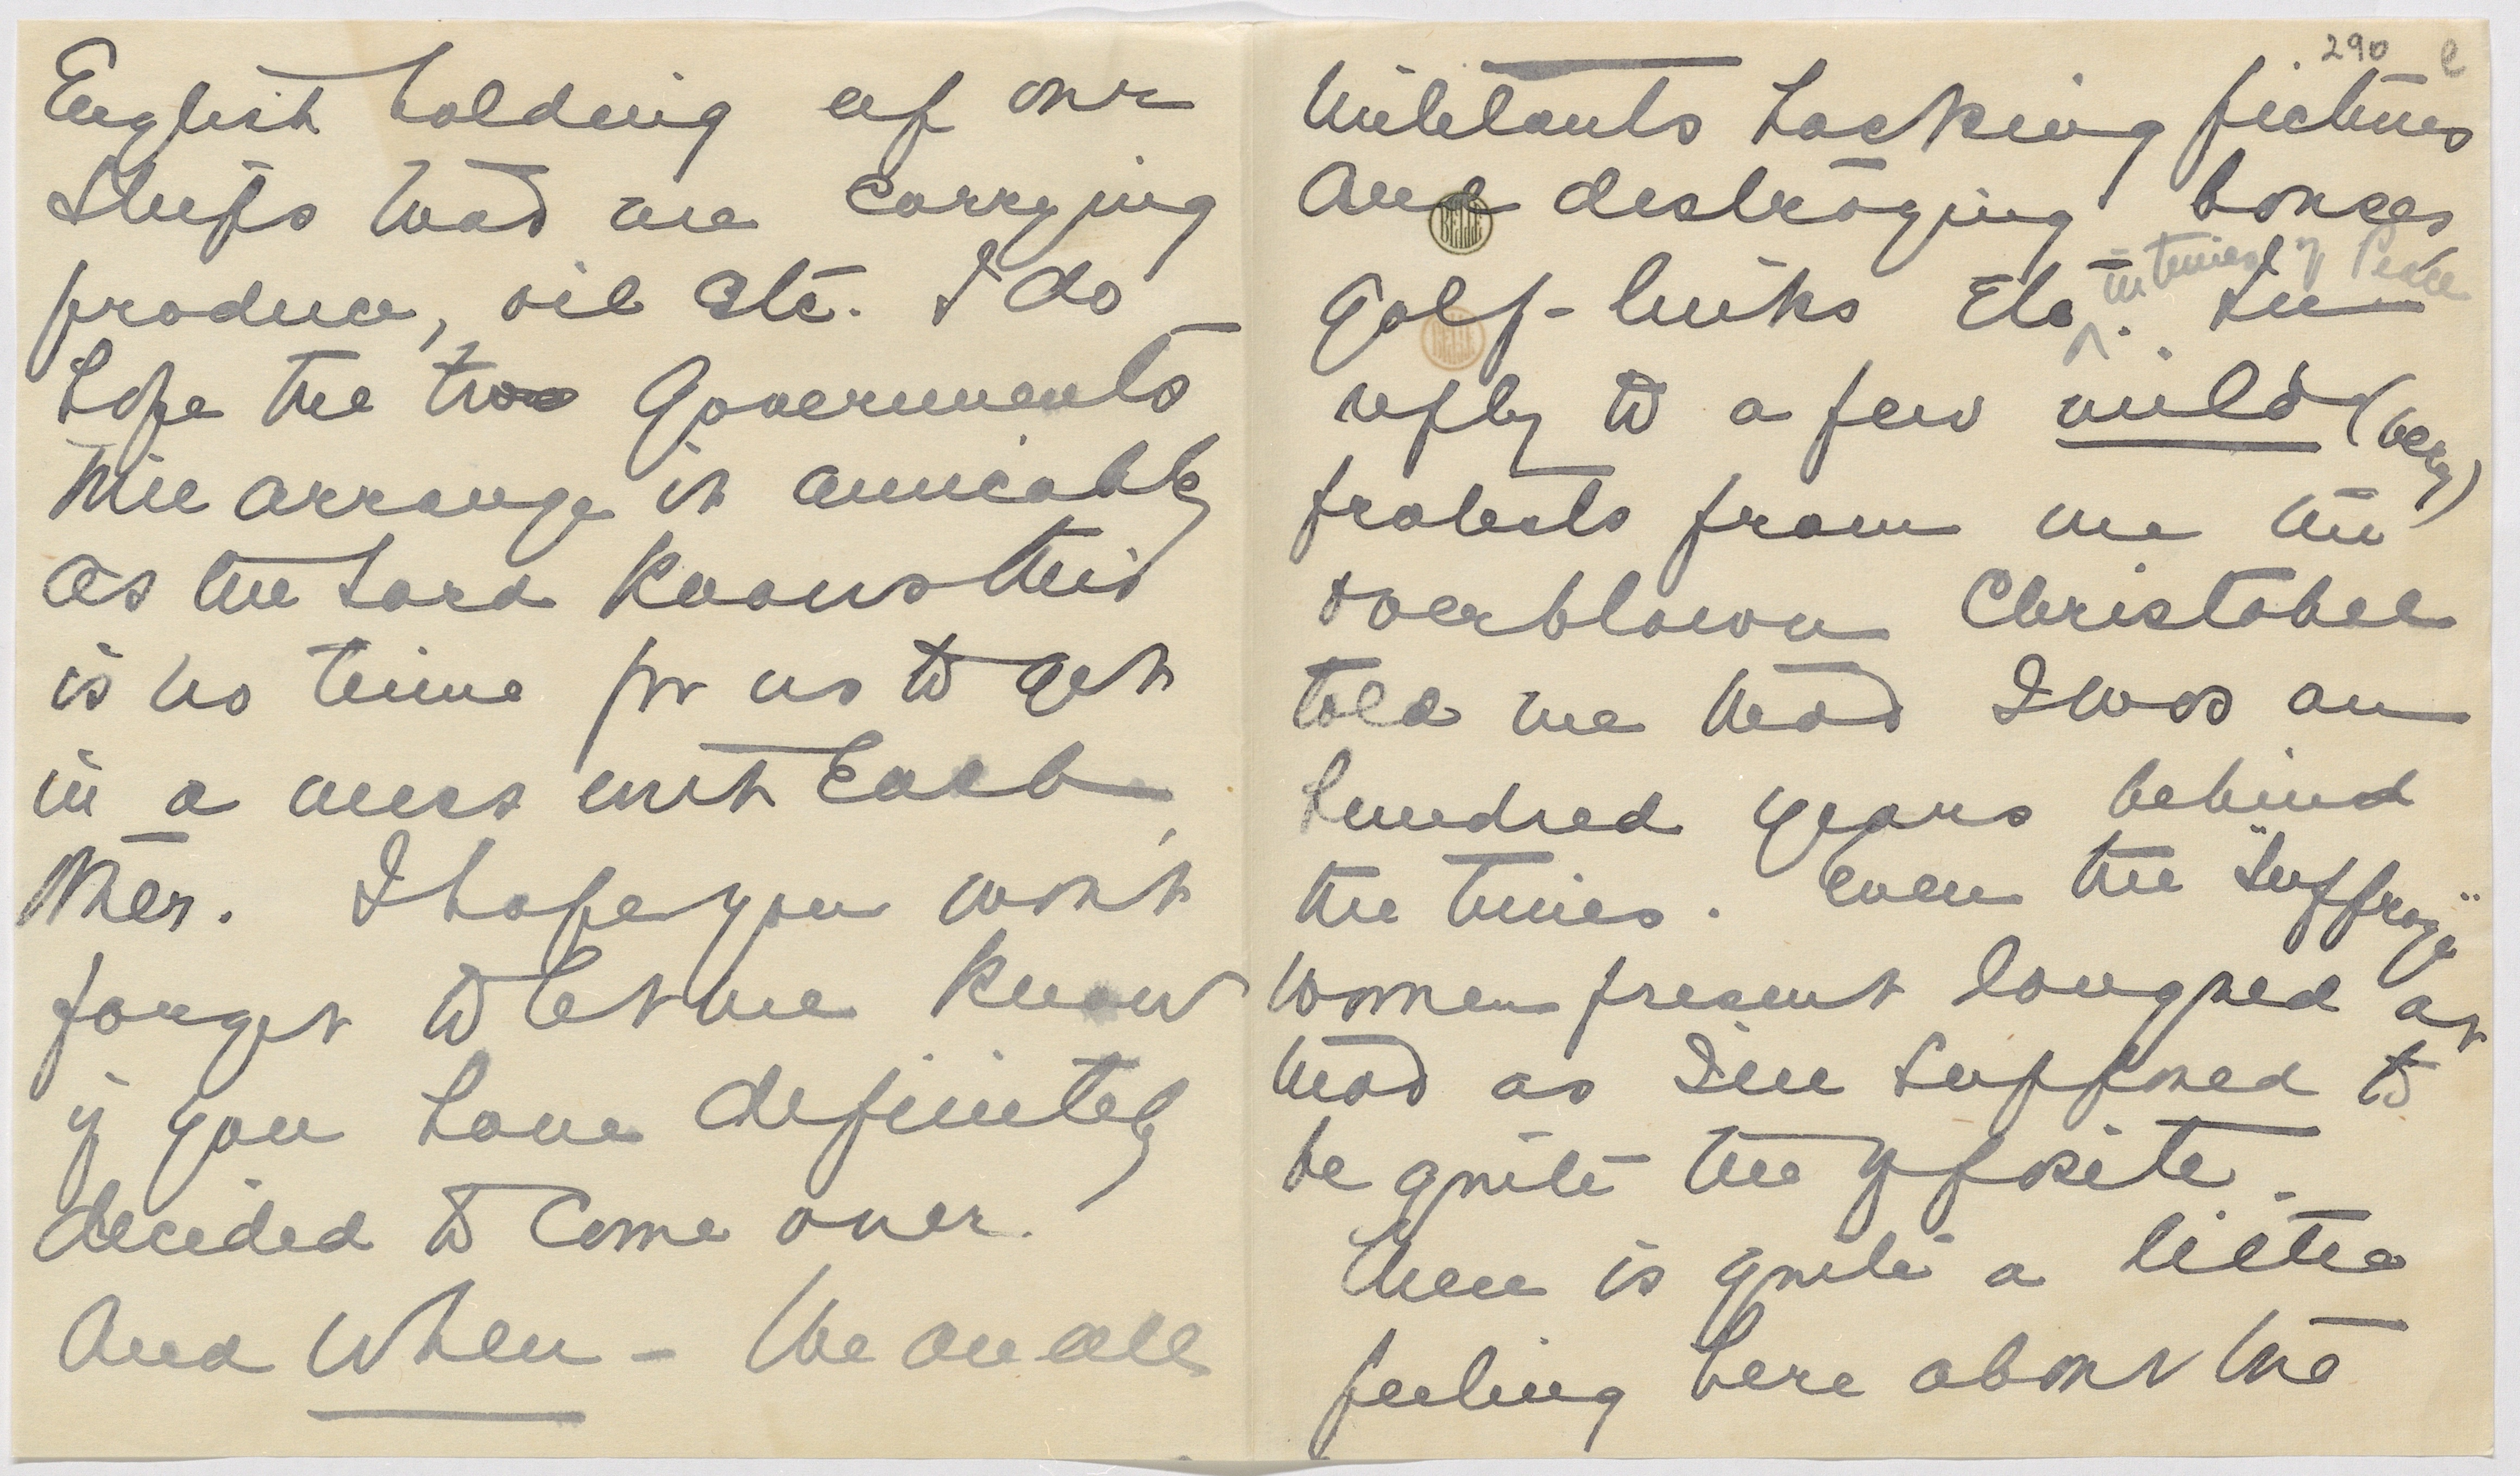militants hacking pictures and destroying houses, golf-links etc [^in times of Peace^]. In reply to a few mild (very) protests from me the overblown Christabel told me that I was an hundred years behind the times. Even the “suffrage” women present laughed at that as I’m supposed to be quite the opposite –
There is quite a little feeling here about the
English holding up our ships that are carrying produce, oil etc. I do hope the two Governments will arrange it amicably as the Lord knows this is no time for us to get in a mess with each other. I hope you won’t forget to let me know if you have definitely decided to come over
And when – We are all